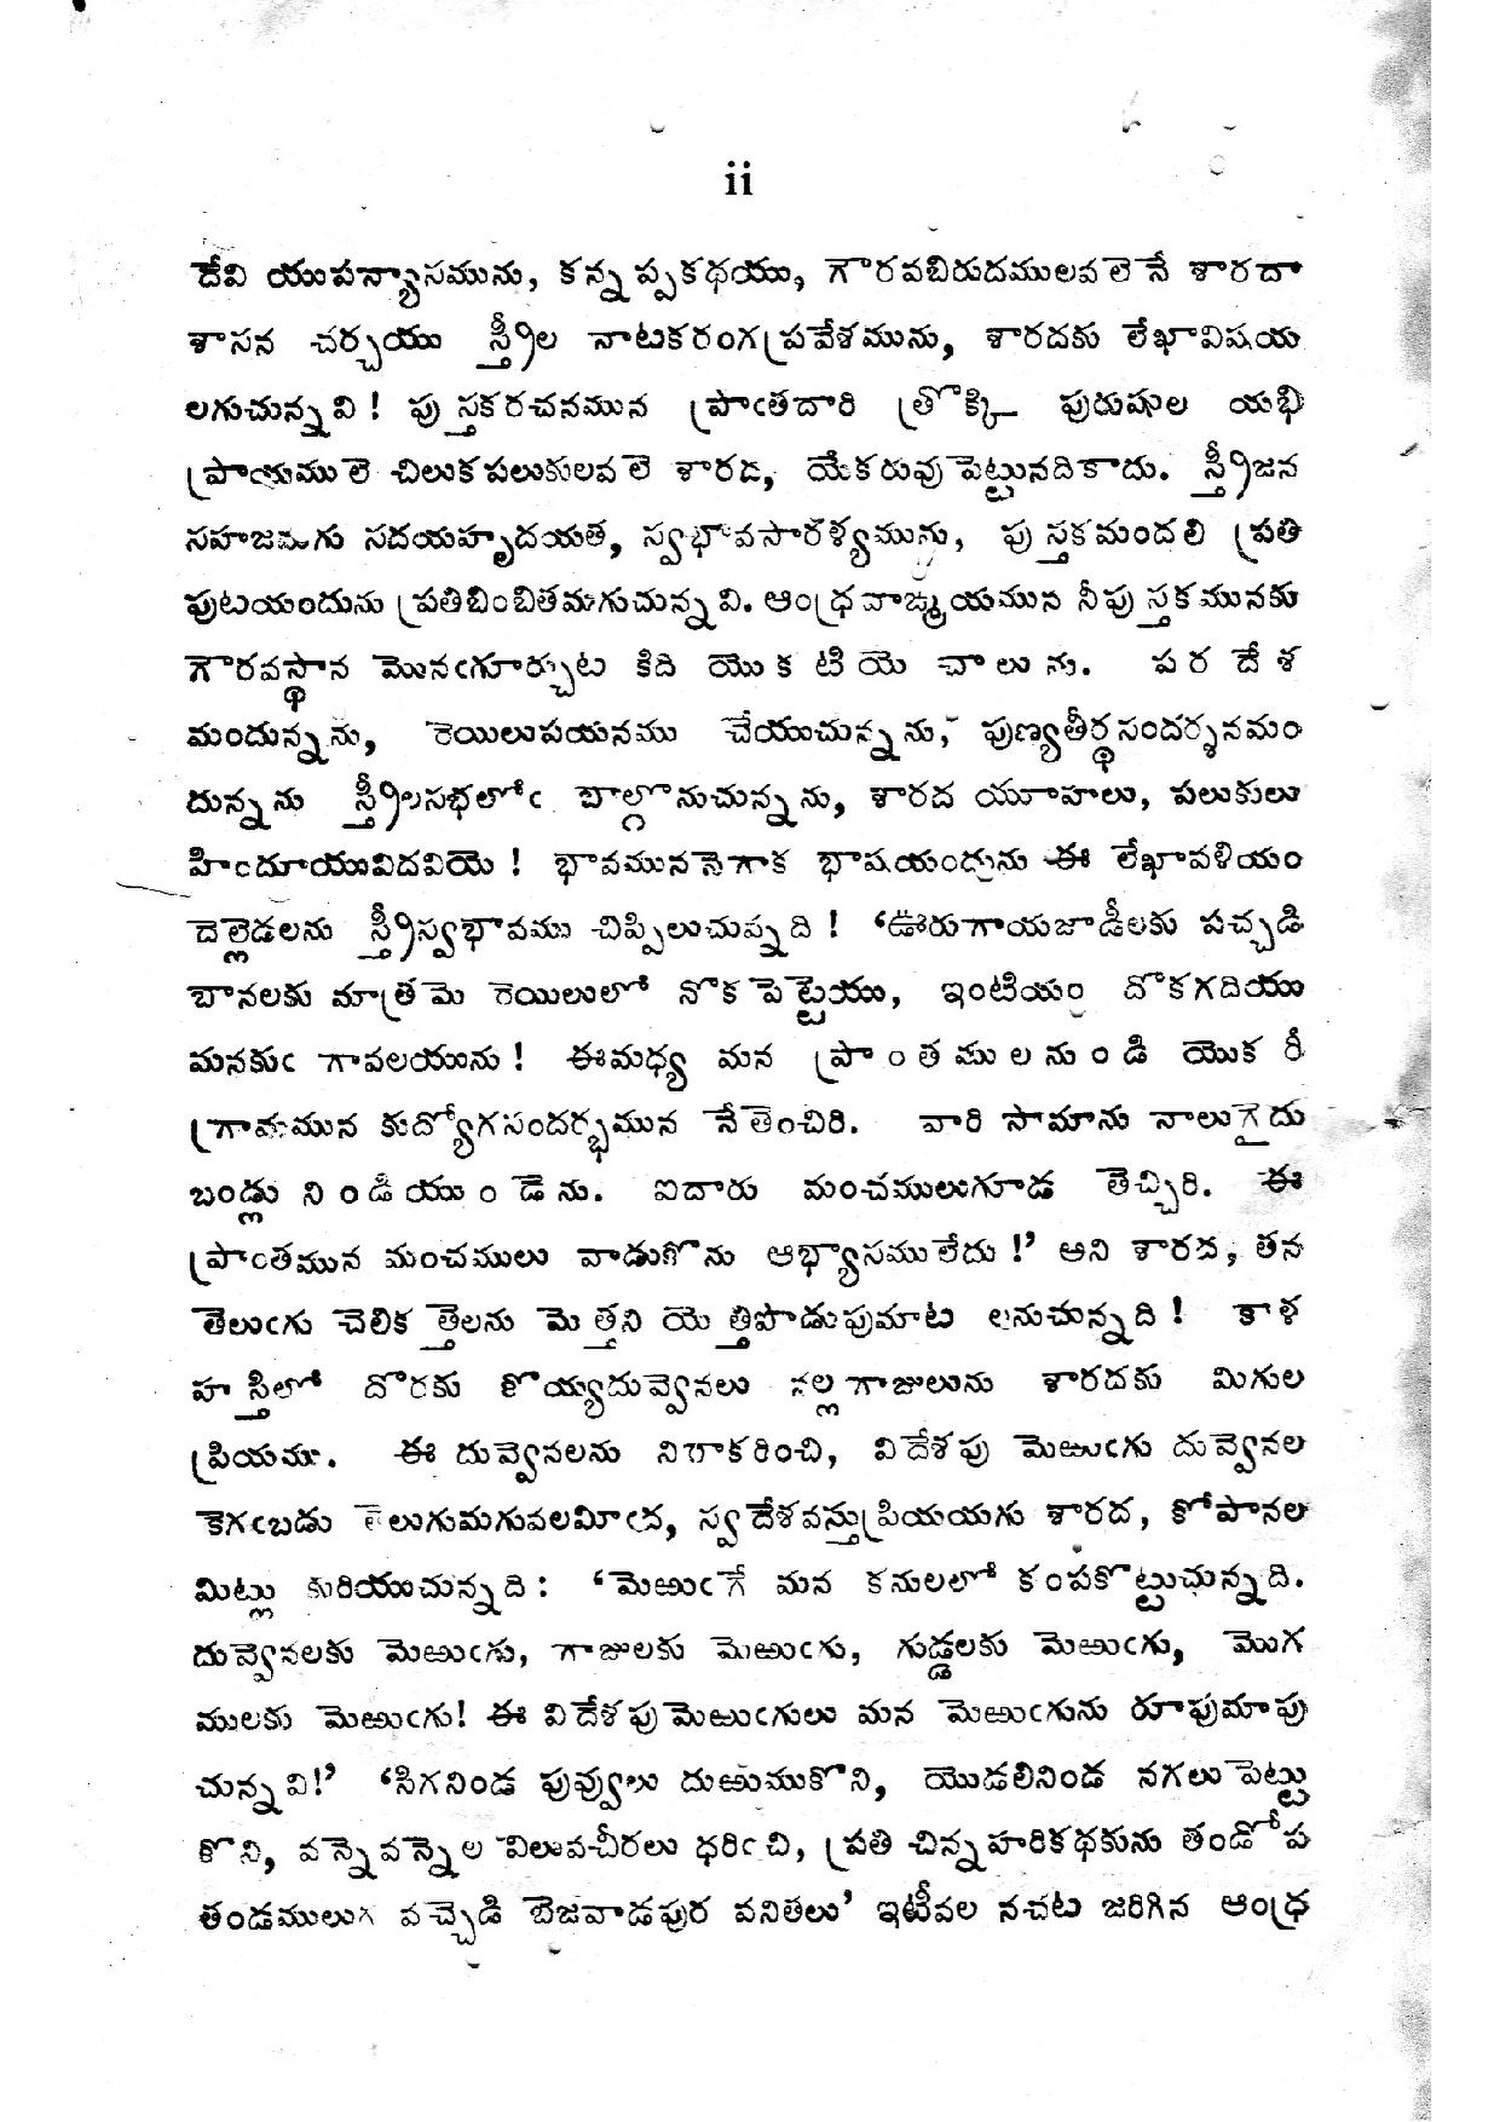దేవి యుపన్యాసమును, కన్నప్పకథయు, గౌరవబిరుదములవలెనే శారదా శాసన చర్చయు స్త్రీల నాటకరంగప్రవేశమును, శారదకు లేఖావిషయ లగుచున్నవి ! పుస్తకరచనమున ప్రాఁతదారి త్రొక్కి పురుషుల యభిప్రాయములె చిలుక పలుకులవలె శారద, యేకరువు పెట్టునదికాదు. స్త్రీజన సహజమగు సదయహృదయత, స్వభావసారళ్యమును, పుస్తకమందలి ప్రతిపుటయందును ప్రతిబింబితమగుచున్నవి. ఆంధ్రవాఙ్మయమున నీపుస్తకమునకు గౌరవస్థాన మొనఁగూర్చుట కిది యొకటియె చాలును. పరదేశ
మందున్నను, రెయిలుపయనము చేయుచున్నను, పుణ్యతీర్థసందర్శనమందున్నను స్త్రీలసభలోఁ బాల్గొనుచున్నను, శారద యూహలు, పలుకులు హిందూయువిదవియె ! భావముననెగాక భాషయందును ఈ లేఖావళియందెల్లెడలను స్త్రీస్వభావము చిప్పిలుచున్నది! 'ఊరుగాయజాడీలకు పచ్చడి బానలకు మాత్రమె రెయిలులో నొక పెట్టెయు, ఇంటియం దొకగదియు మనకుఁ గావలయును! ఈ మధ్య మన ప్రాంతములనుండి యొక రీ గ్రామమున కుద్యోగసందర్భమున నేతెంచిరి. వారి సామాను నాలుగైదు బండ్లు నిండియుండెను. ఐదారు మంచములుగూడ తెచ్చిరి. ఈ ప్రాంతమున మంచములు వాడుకొను అభ్యాసములేదు!' అని శారద, తన తెలుఁగు చెలికత్తెలను మెత్తని యెత్తిపొడుపుమాట లనుచున్నది! కాళహస్తిలో దొరకు కొయ్యదువ్వెనలు నల్ల గాజులును శారదకు మిగుల ప్రియము. ఈ దువ్వెనలను నిరాకరించి, విదేశపు మెఱుఁగు దువ్వెనల కెగఁబడు తెలుగుమగువలమీఁద, స్వదేశవన్తుప్రియయగు శారద, కోపానల మిట్లు కురియుచున్నది 'మెఱుఁగే మన కనులలో కంపకొట్టుచున్నది. దువ్వెనలకు మెఱుఁగు, గాజులకు మెఱుఁగు, గుడ్డలకు మెఱుఁగు, మొగములకు మెఱుఁగు! ఈ విదేశపు మెఱుఁగులు మన మెఱుఁగును రూపుమాపు చున్నవి!' 'సిగనిండ పువ్వులు దుఱుముకొని, యొడలినిండ నగలుపెట్టుకొని, వన్నెవన్నెల విలువ చీరలు ధరించి, ప్రతి చిన్నహరికథకును తండోపతండములుగ వచ్చెడి బెజవాడపుర వనితలు' ఇటీవల నచట జరిగిన ఆంధ్ర